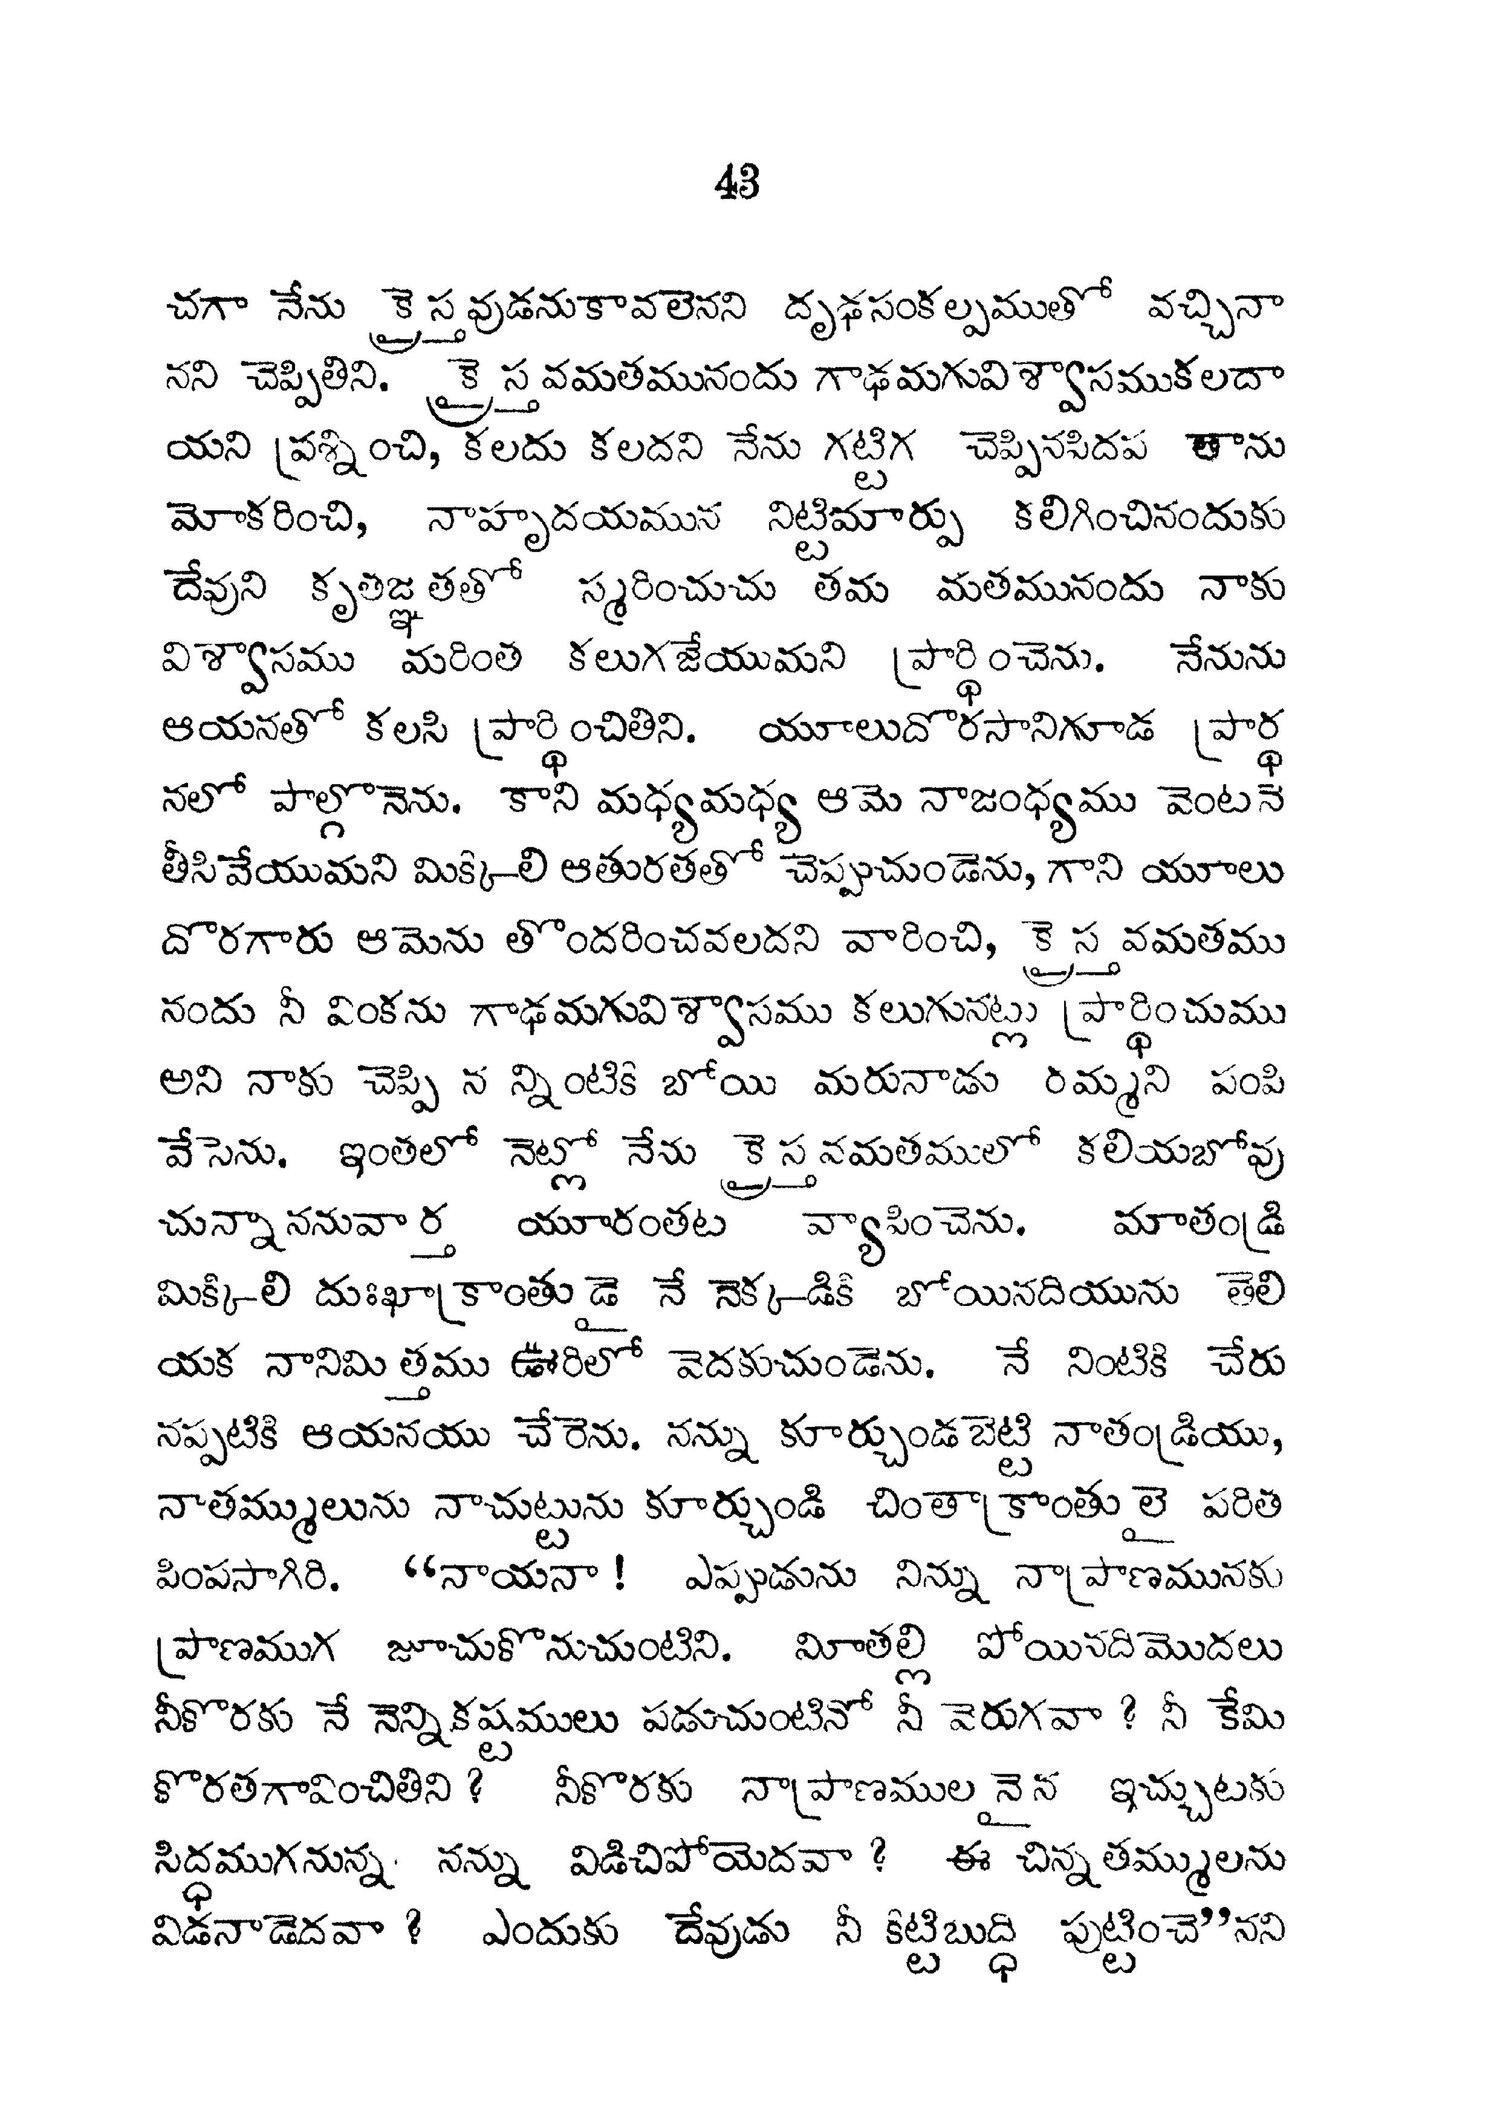చగా నేను క్రైస్తవుడనుకావలెనని దృఢసంకల్పముతో వచ్చినానని చెప్పితిని. క్రైస్తవమతమునందు గాఢమగువిశ్వాసముకలదా యని ప్రశ్నించి, కలదు కలదని నేను గట్టిగ చెప్పినపిదప తాను మోకరించి, నాహృదయమున నిట్టిమార్పు కలిగించినందుకు దేవుని కృతజ్ఞతతో స్మరించుచు తమ మతమునందు నాకు విశ్వాసము మరింత కలుగజేయుమని ప్రార్థించెను. నేనును ఆయనతో కలసి ప్రార్థించితిని. యూలుదొరసానిగూడ ప్రార్థనలో పాల్గొనెను. కాని మధ్యమధ్య ఆమె నాజంధ్యము వెంటనే తీసివేయమని మిక్కిలి ఆతురతతో చెప్పుచుండెను, గాని యూలుదొరగారు ఆమెను తొందరించవలదని వారించి, క్రైస్తవమతమునందు నీ వింకను గాఢమగువిశ్వాసము కలుగనట్లు ప్రార్థించుము అని నాకు చెప్పై నన్నింటికి బోయి మరునాడు రమ్మని పంపివేసెను. ఇంతలో నెట్లో నేను క్రైస్తవమతములో కలియబోవుచున్నాననువార్త యూరంతట వ్యాపించెను. మాతండ్రి మిక్కిలి దు:ఖాక్రాంతుడై నే నెక్కడికి బోయినదియును తెలియక నానిమిత్తము ఊరిలో వెదకుచుండెను. నే నింటికి చేరునప్పటికి ఆయనయు చేరెను. నన్ను కూర్చుండబెట్టి నాతండ్రియు, నాతమ్ములును నాచుట్టును కూర్చుండి చింతాక్రాంతులై పరితపింపసాగిరి. "నాయనా! ఎప్పుడును నిన్ను నాప్రాణమునకు ప్రాణముగ జూచుకొనుచుంటిని. మీతల్లి పోయినదిమొదలు నీకొరకు నే నెన్నికష్టములు పడుచుంటినో నీ వెరుగవా? నీ కేమి కొరతగావించితిని? నీకొరకు నాప్రాణములనైన ఇచ్చుటకు సిద్ధముగనున్న నన్ను విడిచిపోయెదవా? ఈ చిన్నతమ్ములను విడనాడెదవా? ఎందుకు దేవుడు నీ కిట్టిబుద్ధి పుట్టించె"నని